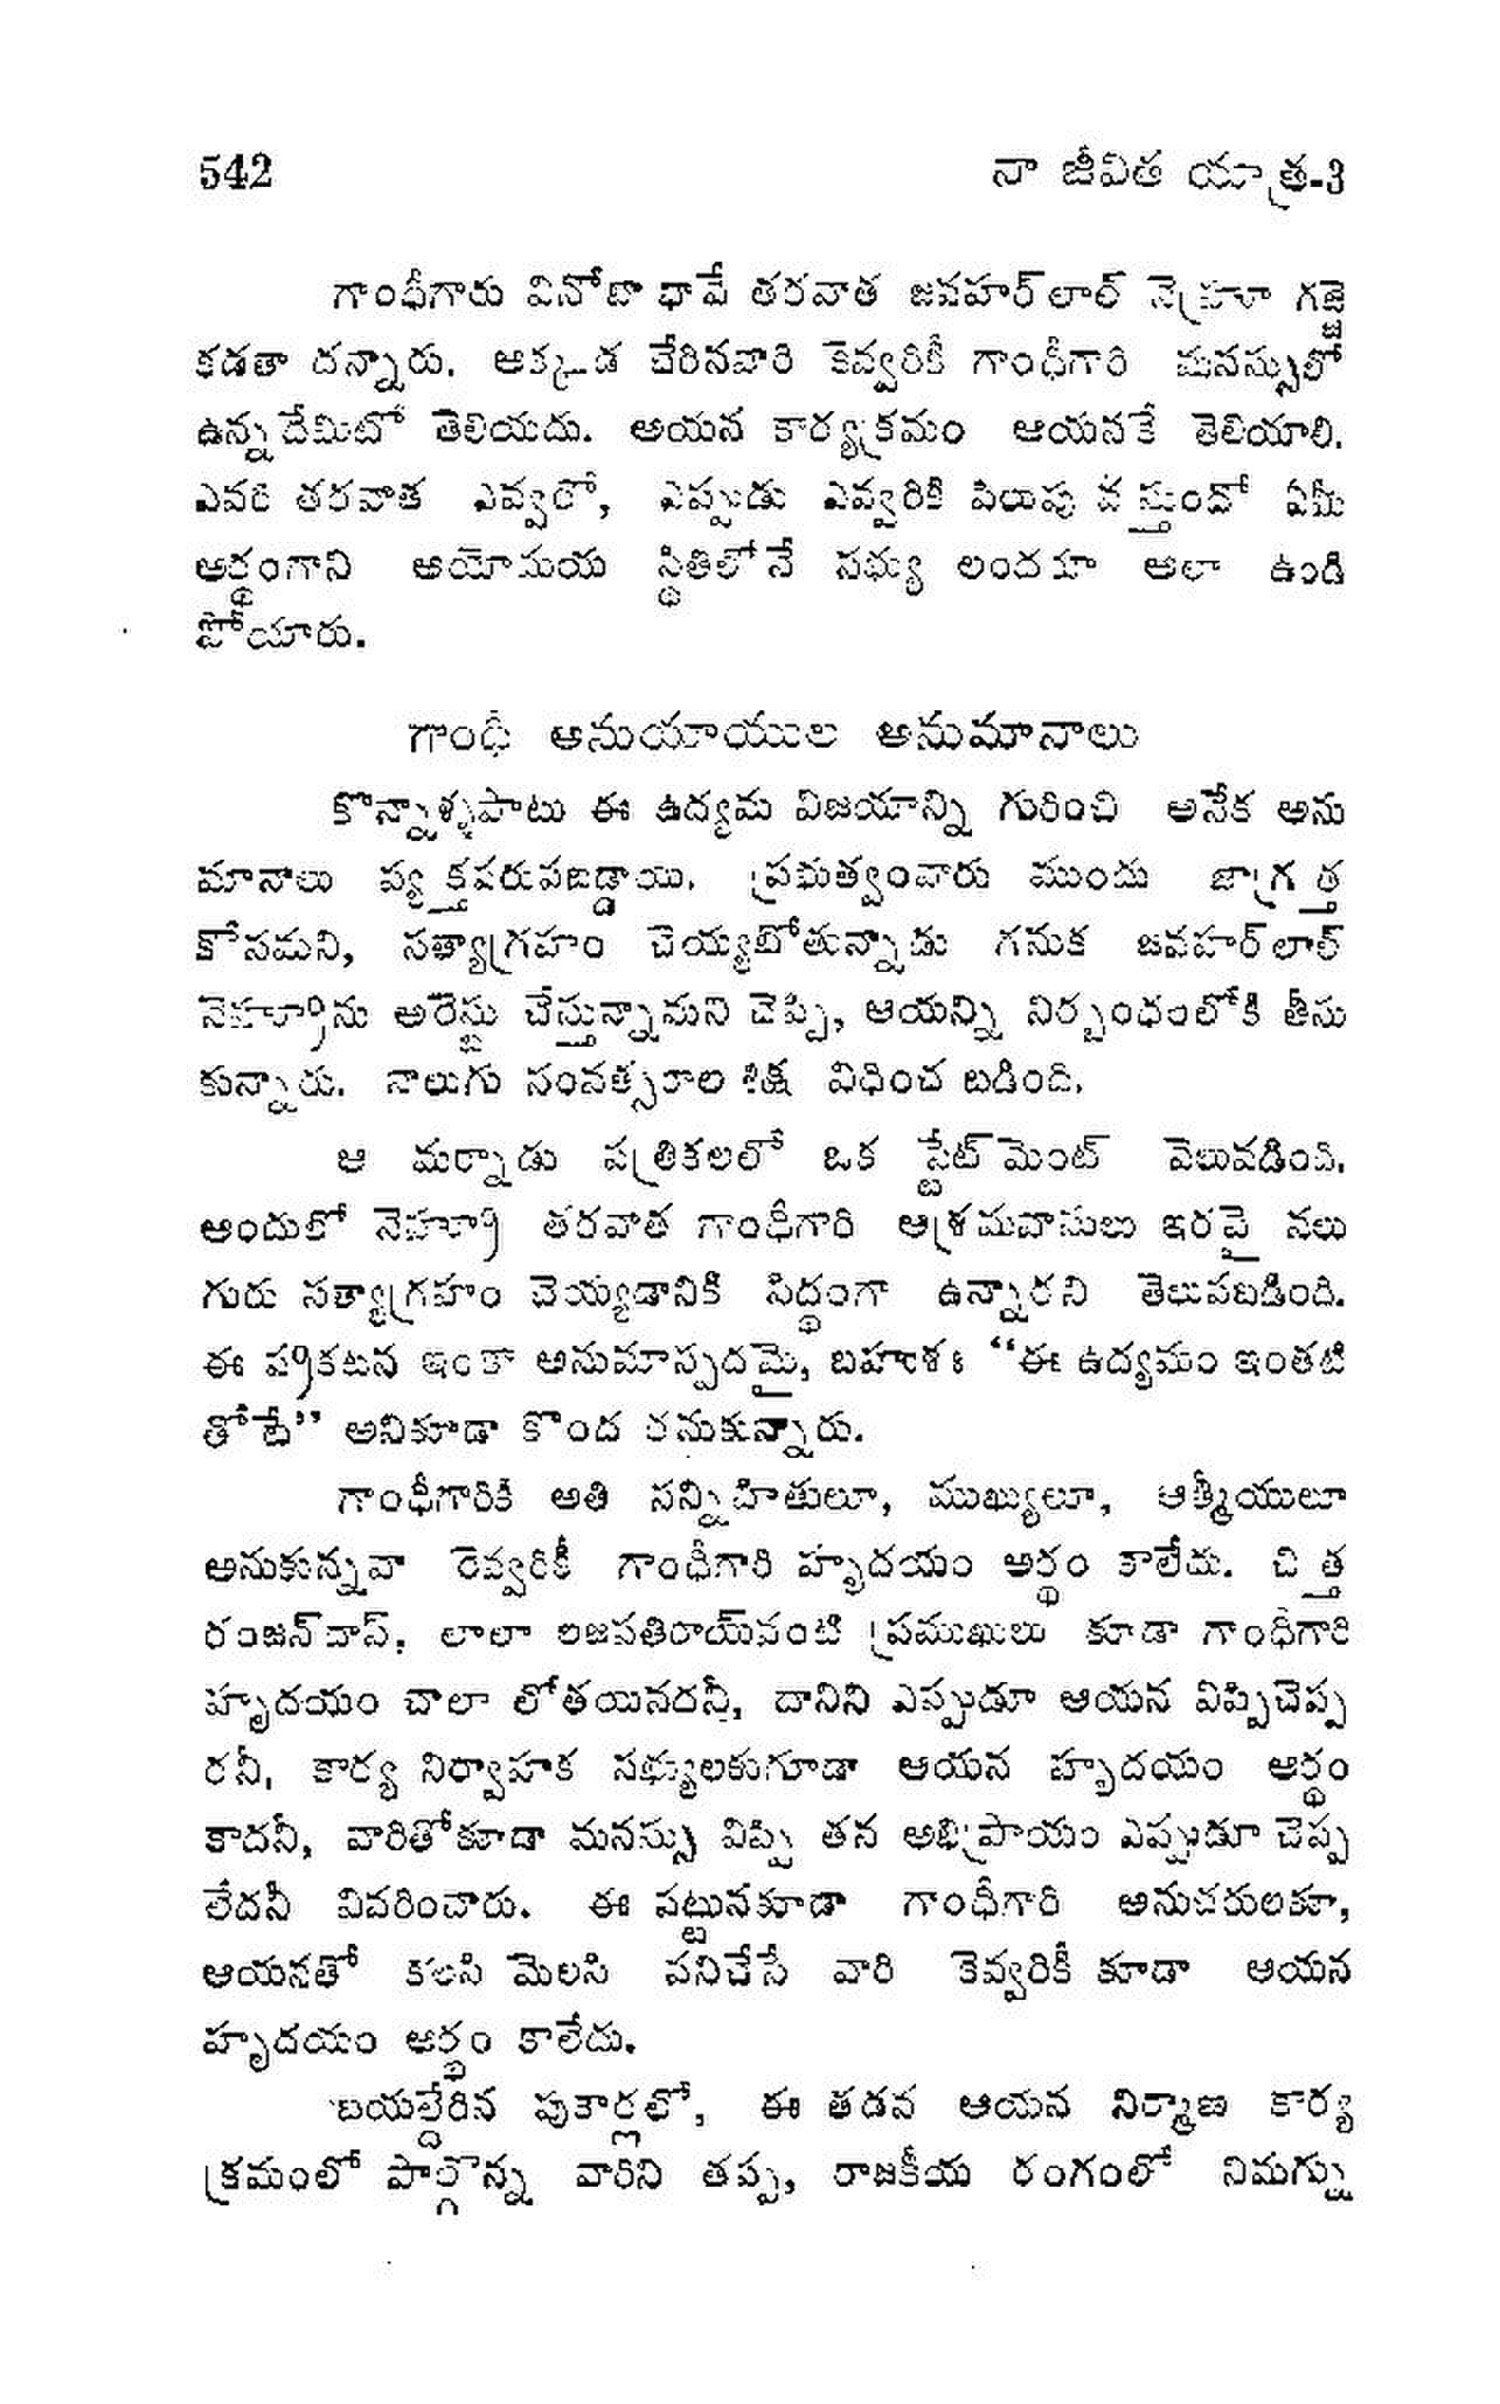గాంధీగారు వినోబా భావే తరవాత జవహర్‌లాల్ నెహ్రూ గజ్జెకడతా రన్నారు. అక్కడ చేరినవారి కెవ్వరికీ గాంధీగారి మనస్సులో ఉన్నదేమిటో తెలియదు. ఆయన కార్యక్రమం ఆయనకే తెలియాలి. ఎవరి తరవాత ఎవ్వరో, ఎప్పుడు ఎవ్వరికి పిలుపు వస్తుందో ఏమీ అర్థంగాని అయోమయ స్థితిలోనే సభ్యు లందరూ అలా ఉండి పోయారు.

కొన్నాళ్ళపాటు ఈ ఉద్యమ విజయాన్ని గురించి అనేక అనుమానాలు వ్యక్తపరుప బడ్డాయి. ప్రభుత్వం వారు ముందు జాగ్రత్త కోసమని, సత్యాగ్రహం చెయ్యబోతున్నాడు గనుక జవహర్‌లాల్ నెహ్రూను అరెస్టు చేస్తున్నామని చెప్పి, ఆయన్ని నిర్భంధలోకి తీసుకున్నారు. నాలుగు సంవత్సరాల శిక్ష విధించ బడింది.

ఆ మర్నాడు పత్రికలలో ఒక స్టేట్‌మెంట్ వెలువడింది. అందులో నెహ్రూ తరవాత గాంధీగారి ఆశ్రమవాసులు ఇరవై నలుగురు సత్యాగ్రహం చెయ్యడానికి సిద్ధంగా ఉన్నారని తెలుప బడింది. ఈ ప్రకటన ఇంకా అనుమానస్పదమై, బహుశ: "ఈ ఉద్యమం ఇంతటితోటే" అనికూడా కొంద రనుకున్నారు.

గాంధీగారికి అతి సన్నిహితులూ, ముఖ్యులూ, ఆత్మీయులూ అనుకున్నవా రెవ్వరికీ గాంధీగారి హృదయం అర్థం కాలేదు. చిత్తరంజన్‌దాస్, లాలా లజపతిరాయ్‌ వంటి ప్రముఖులు కూడా గాంధీగారి హృదయం చాలా లోతయినదనీ, దానిని ఎప్పుడూ ఆయన విప్పిచెప్పరనీ, కార్య నిర్వాహక సభ్యులకుగూడా ఆయన హృదయం అర్థం కాదనీ, వారితోకూడా మనస్సు విప్పి తన అభిప్రాయం ఎప్పుడూ చెప్పలేదనీ వివరించారు. ఈ పట్టునకూడా గాంధీగారి అనుచరులకూ, ఆయనతో కలసి మెలసి పనిచేసే వారి కెవ్వరికీ కూడా ఆయన హృదయం అర్థం కాలేదు.

బయల్దేరిన పుకార్లలో, ఈ తడవ ఆయన నిర్మాణ కార్యక్రమంలో పాల్గొన్న వారిని తప్ప, రాజకీయ రంగంలో నిమగ్ను